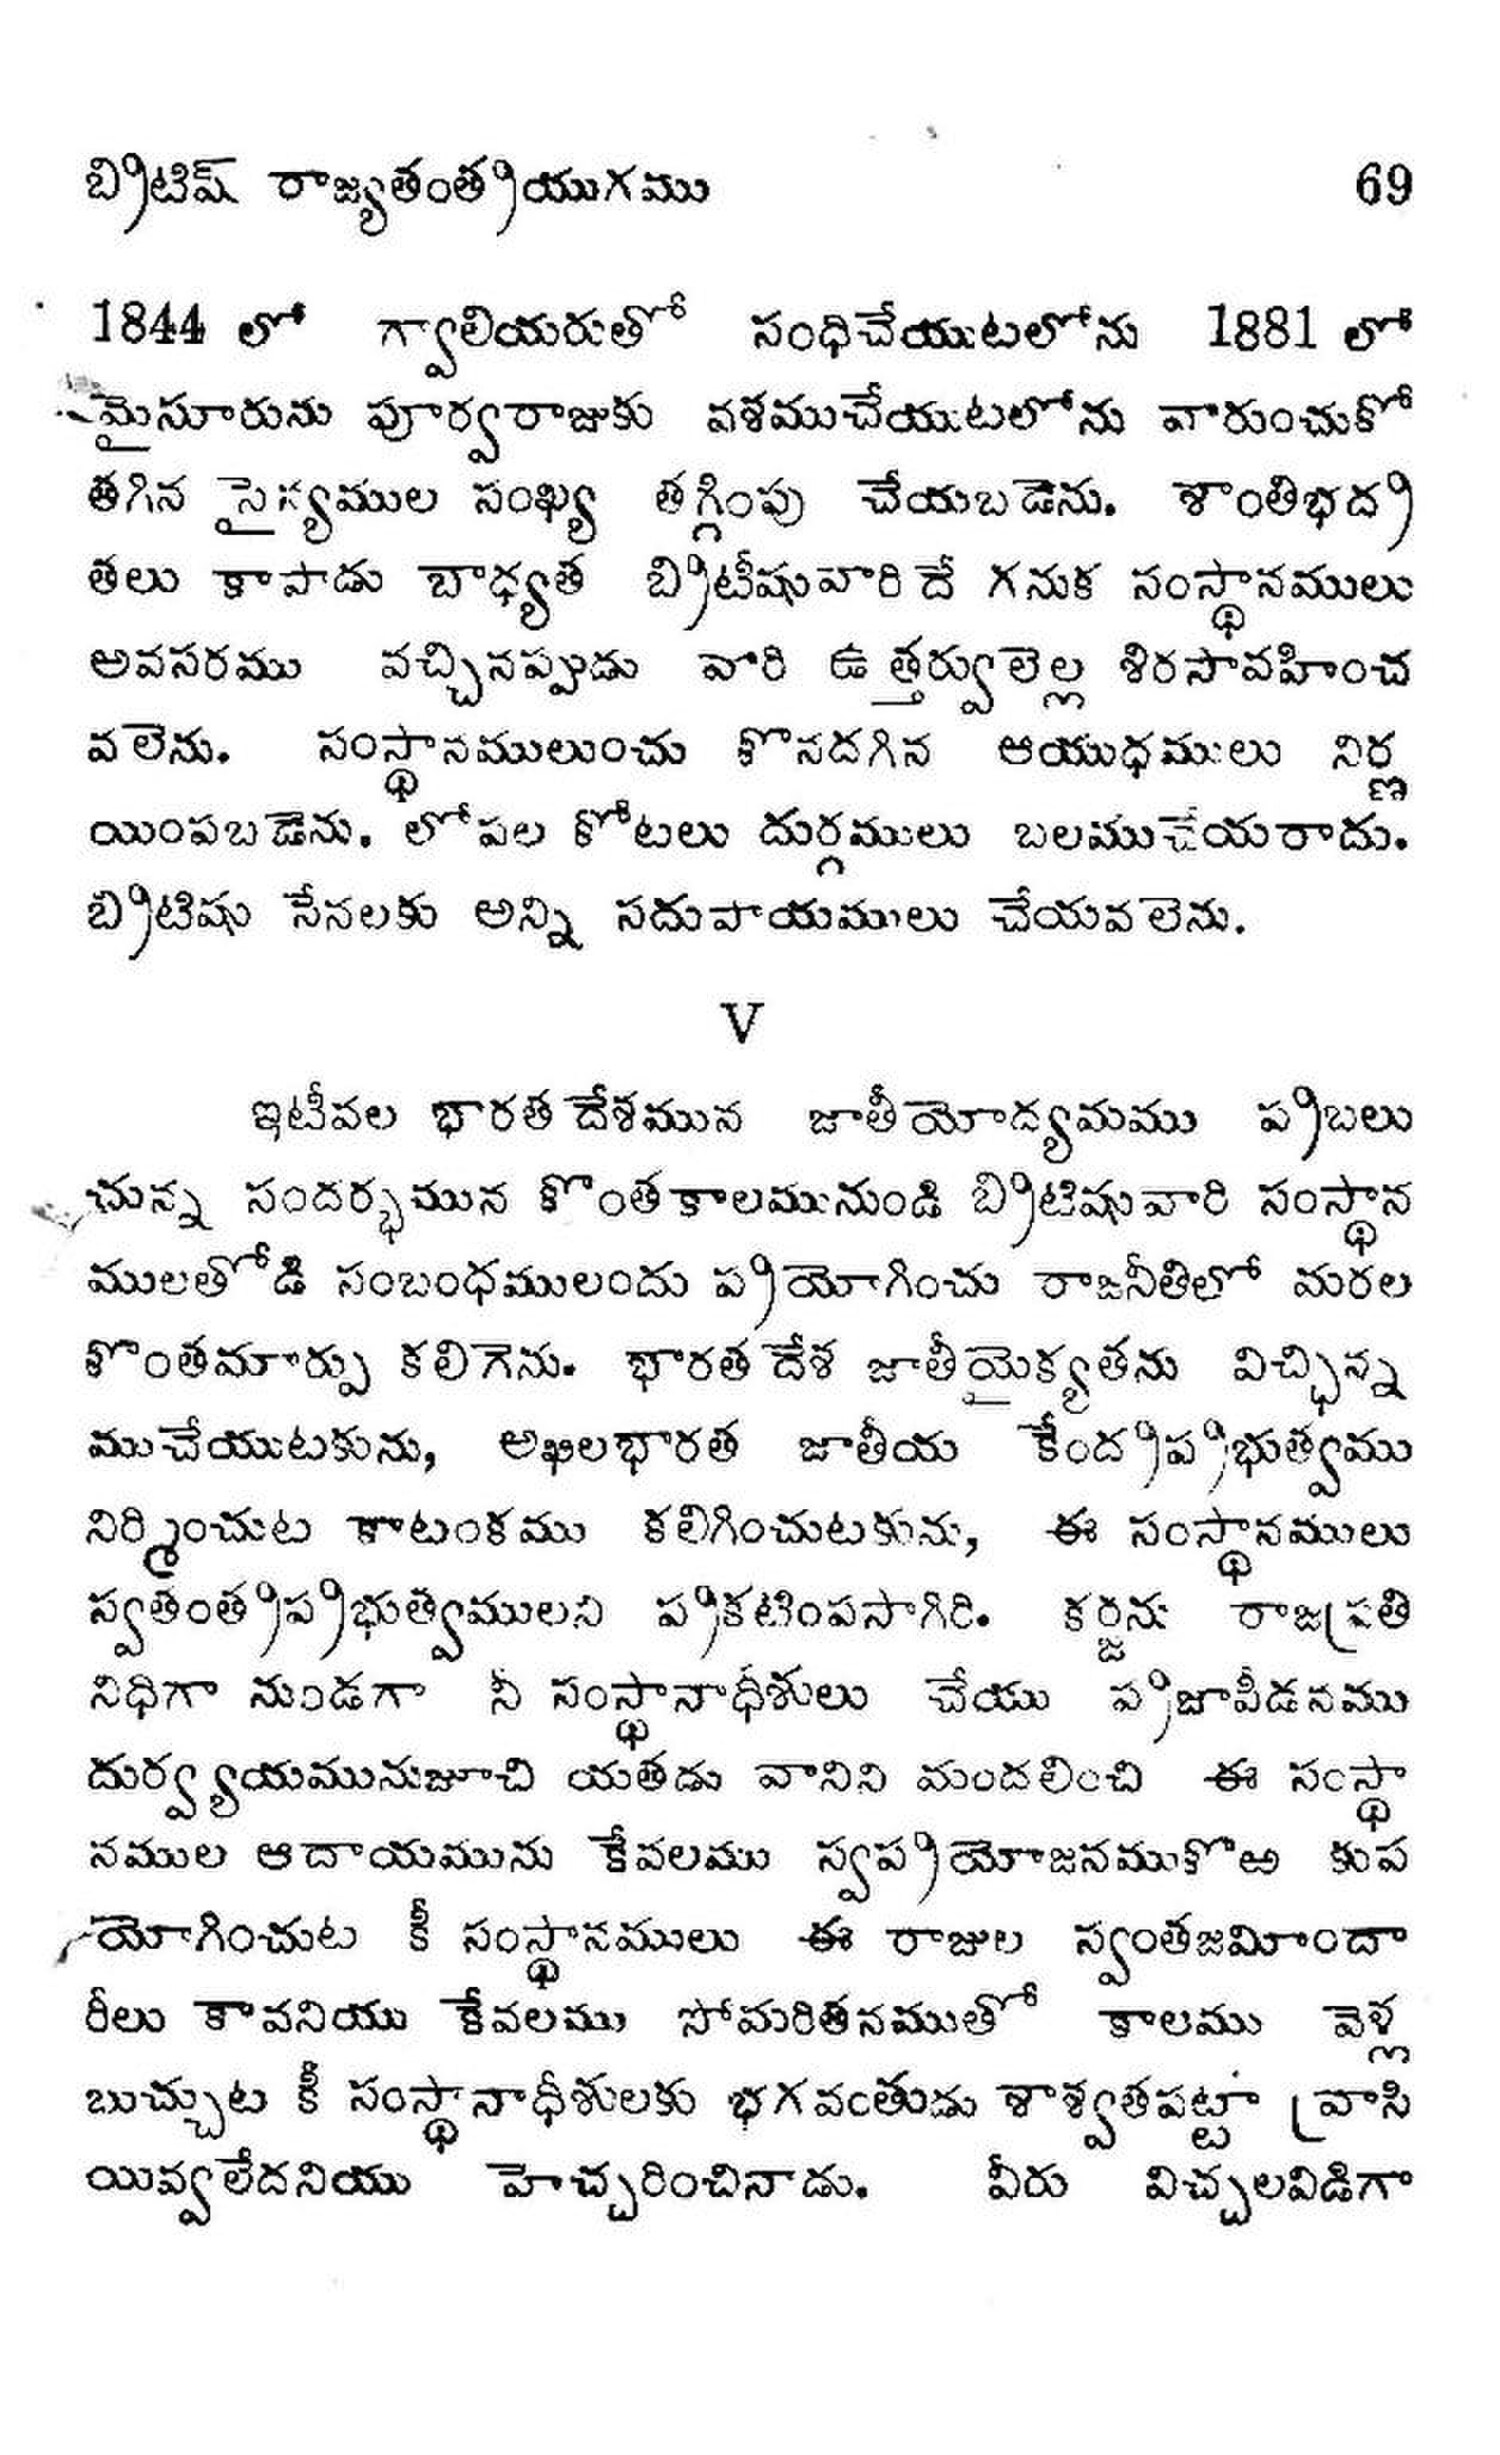1844 లో గ్వాలియరుతో సంధిచేయుటలోను 1881 లో మైసూరును పూర్వరాజుకు వశముచేయుటలోను వారుంచుకో తగిన సైన్యముల సంఖ్య తగ్గింపు చేయబడెను. శాంతిభద్రతలు కాపాడు బాధ్యత బ్రిటీషువారిదే గనుక సంస్థానములు
అవసరము వచ్చినప్పుడు వారి ఉత్తర్వులెల్ల శిరసావహించవలెను. సంస్థానములుంచు కొనదగిన ఆయుధములు నిర్ణయింపబడెను. లోపల కోటలు దుర్గములు బలముచేయరాదు. బ్రిటిషు సేనలకు అన్ని సదుపాయములు చేయవలెను.

V

ఇటీవల భారతదేశమున జాతీయోద్యమము ప్రబలుచున్న సందర్భమున కొంతకాలమునుండి బ్రిటిషువారి సంస్థానములతోడి సంబంధములందు ప్రయోగించు రాజనీతిలో మరల కొంతమార్పు కలిగెను. భారతదేశ జాతీయైక్యతను విచ్ఛిన్నముచేయుటకును, అఖిలభారత జాతీయ కేంద్రప్రభుత్వము నిర్మించుట కాటంకము కలిగించుటకును, ఈ సంస్థానములు స్వతంత్రప్రభుత్వములని ప్రకటింపసాగిరి. కర్జను రాజప్రతినిధిగా నుండగా నీ సంస్థానాధీశులు చేయు ప్రజాపీడనము దుర్వ్యయమునుజూచి యతడు వానిని మందలించి ఈ సంస్థానముల ఆదాయమును కేవలము స్వప్రయోజనముకొఱకుపయోగించుట కీ సంస్థానములు ఈ రాజుల స్వంతజమిందారీలు కావనియు కేవలము సోమరితనముతో కాలము వెళ్లబుచ్చుట కీ సంస్థానాధీశులకు భగవంతుడు శాశ్వతపట్టా వ్రాసి యివ్వలేదనియు హెచ్చరించినాడు. వీరు విచ్చలవిడిగా